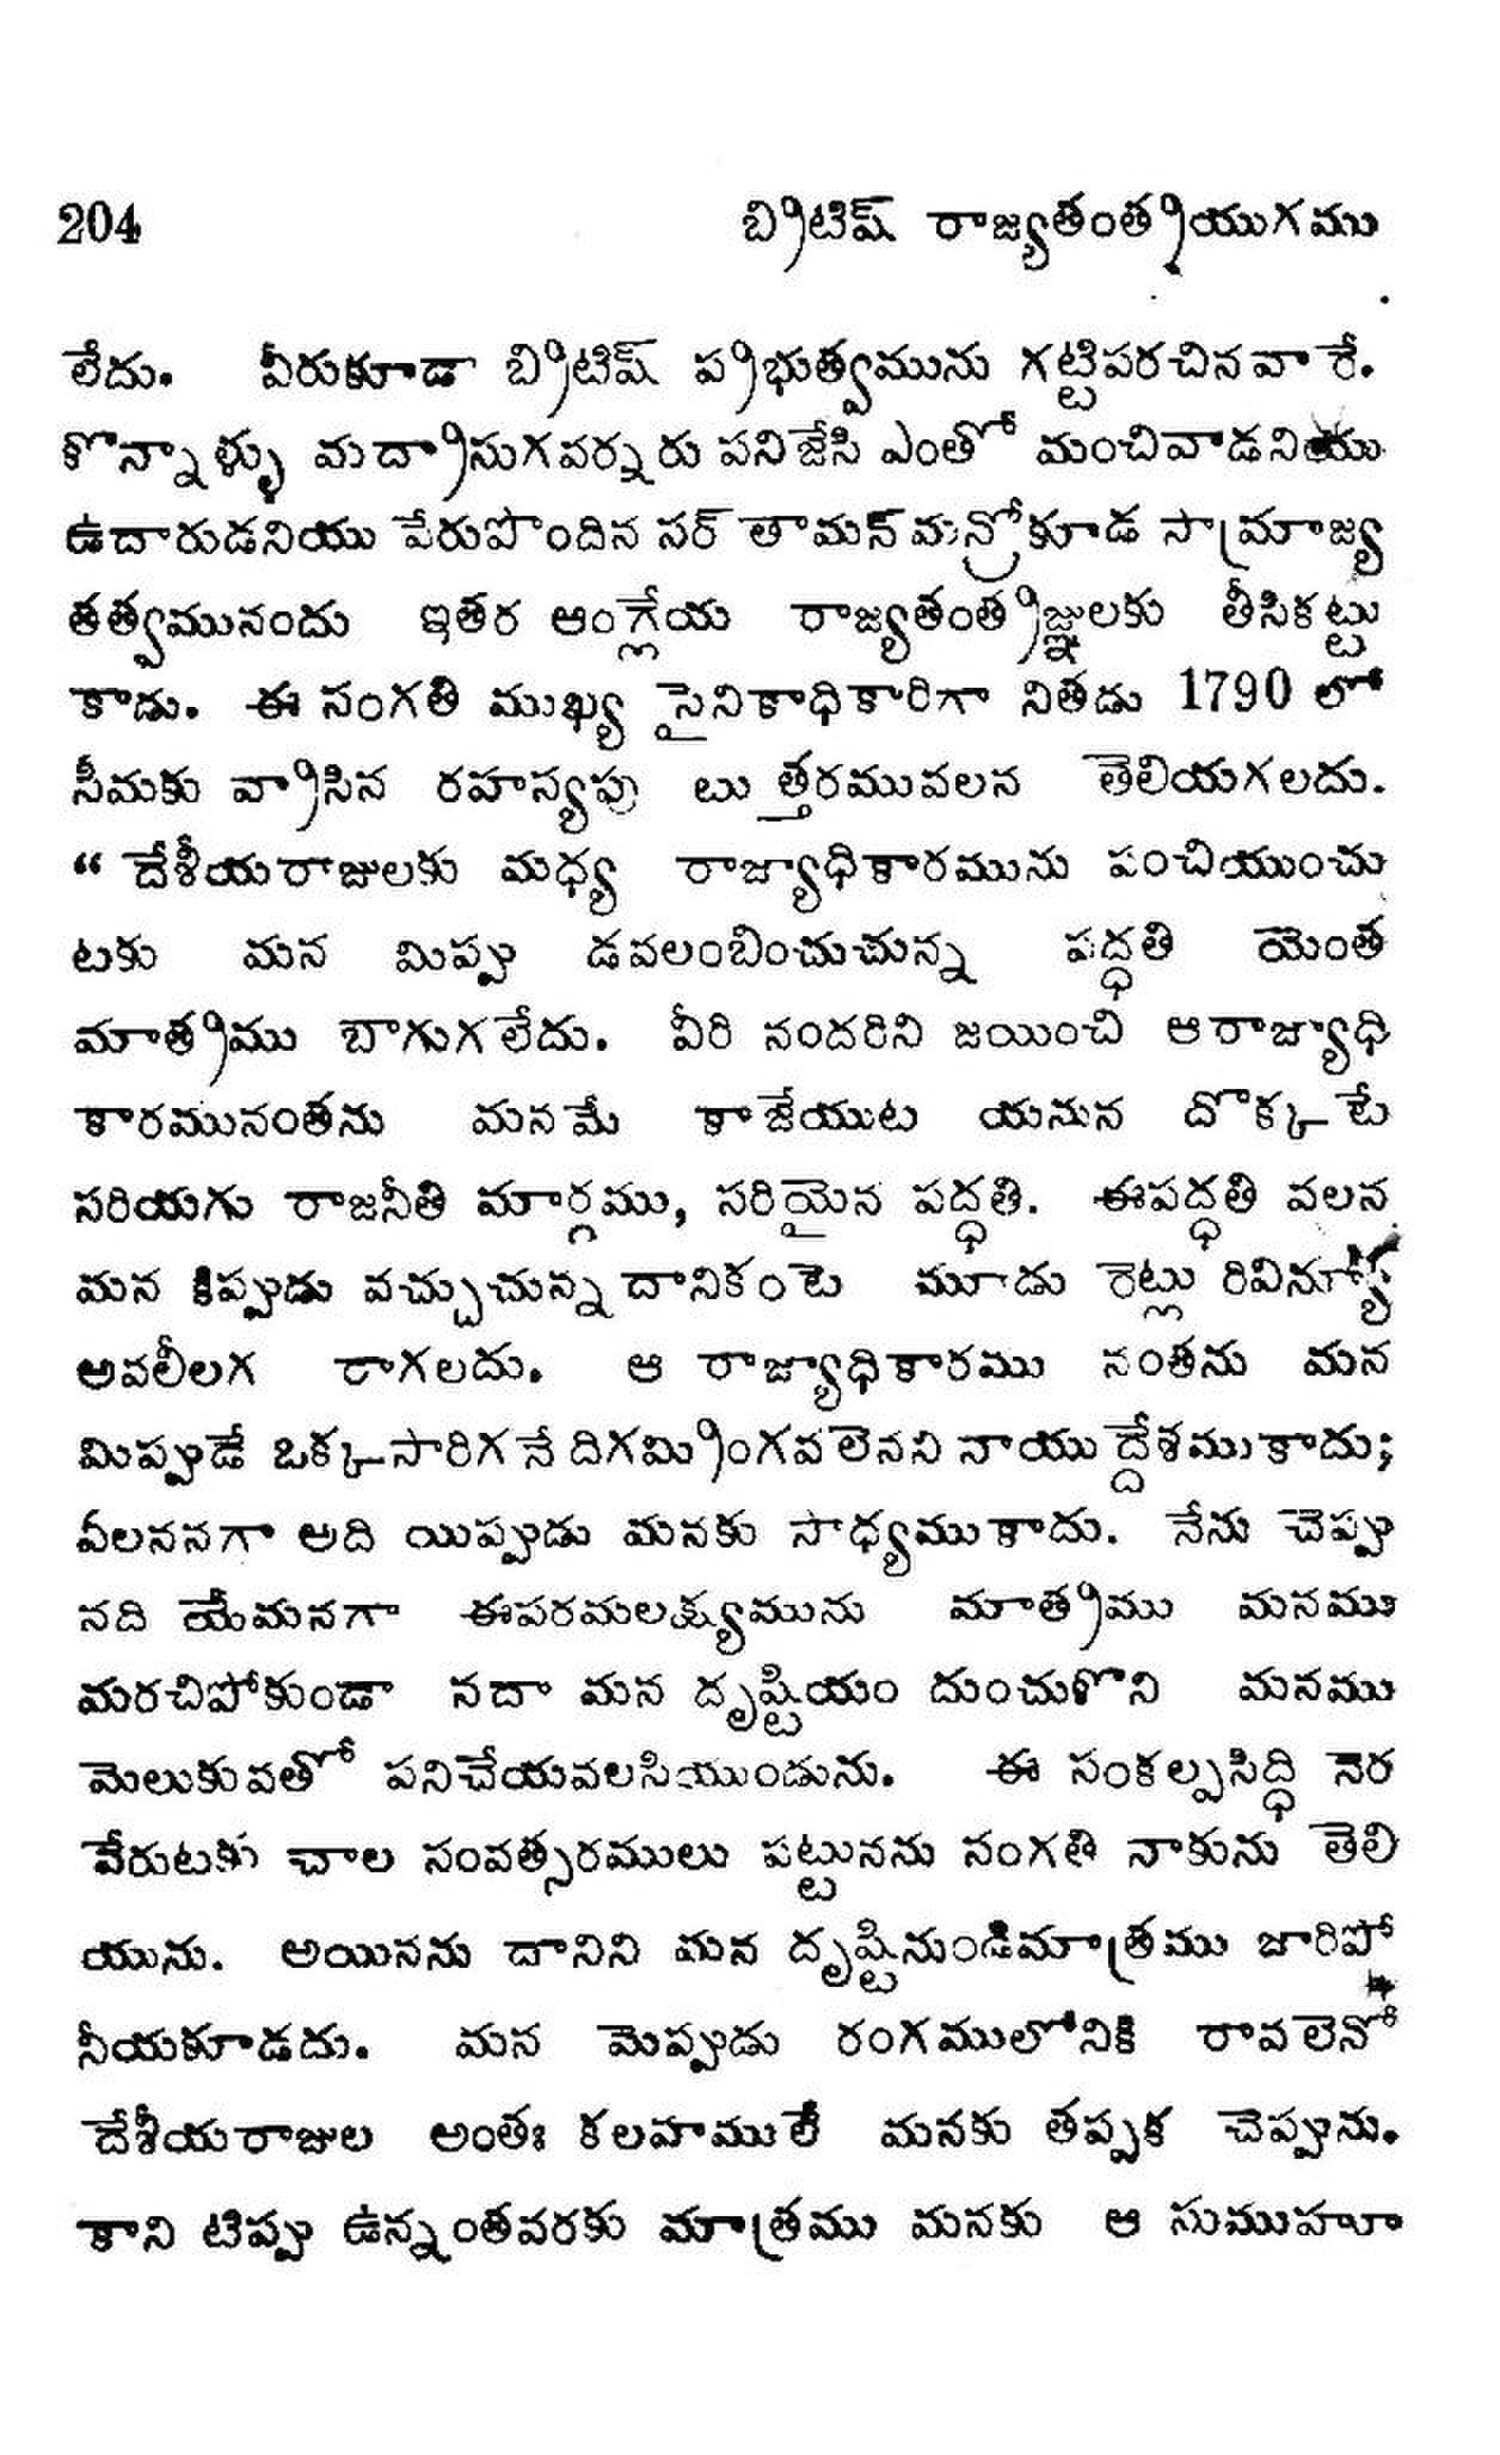లేదు. వీరుకూడా బ్రిటిష్ ప్రభుత్వమును గట్టిపరచినవారే. కొన్నాళ్ళు మద్రాసుగవర్నరు పనిజేసి ఎంతో మంచివాడనియు ఉదారుడనియు పేరుపొందిన సర్‌తామస్‌మన్రోకూడ సామ్రాజ్య తత్వమునందు ఇతర ఆంగ్లేయ రాజ్యతంత్రజ్ఞులకు తీసికట్టు కాడు. ఈ సంగతి ముఖ్య సైనికాధికారిగా నితడు 1790 లో సీమకు వ్రాసిన రహస్యపు లుత్తరమువలన తెలియగలదు. "దేశీయరాజులకు మధ్య రాజ్యాధికారమును పంచియుంచుటకు మన మిప్పు డవలంబించుచున్న పద్దతి యెంత మాత్రము బాగుగలేదు. వీరి నందరిని జయించి ఆరాజ్యధికారమునంతను మనమే కాజేయుట యనున దొక్కటే సరియగు రాజనీతి మార్గము, సరియైన పద్ధతి. ఈపద్దతి వలన మన కిప్పుడు వచ్చుచున్నదానికంటే మూడు రెట్లు రివిన్యూ అవలీలగ రాగలదు. ఆ రాజ్యాధికారము నంతను మనమిప్పుడే ఒక్కసారిగనే దిగమ్రింగవలెనని నాయుద్దేశము కాదు; ఏలననగా అది యిప్పుడు మనకు సాధ్యముకాదు. నేను చెప్పునది యేమనగా ఈపరమలక్ష్యమును మాత్రము మనము మరచిపోకుండా నదా మన దృష్టియం దుంచుకొని మనము మెలుకువతో పనిచేయవలసియుండును. ఈ సంకల్పసిద్ది నెరవేరుటకు చాల సంవత్సరములు పట్టునను సంగతి నాకును తెలియును. అయినను దానిని మన దృష్టినుండిమాత్రము జారిపోనీయకూడదు. మన మెప్పుడు రంగములోనికి రావలెనో దేశీయరాజుల అంతః కలహములే మనకు తప్పక చెప్పును. కాని టిప్పు ఉన్నంతవరకు మాత్రము మనకు ఆ సుముహూ